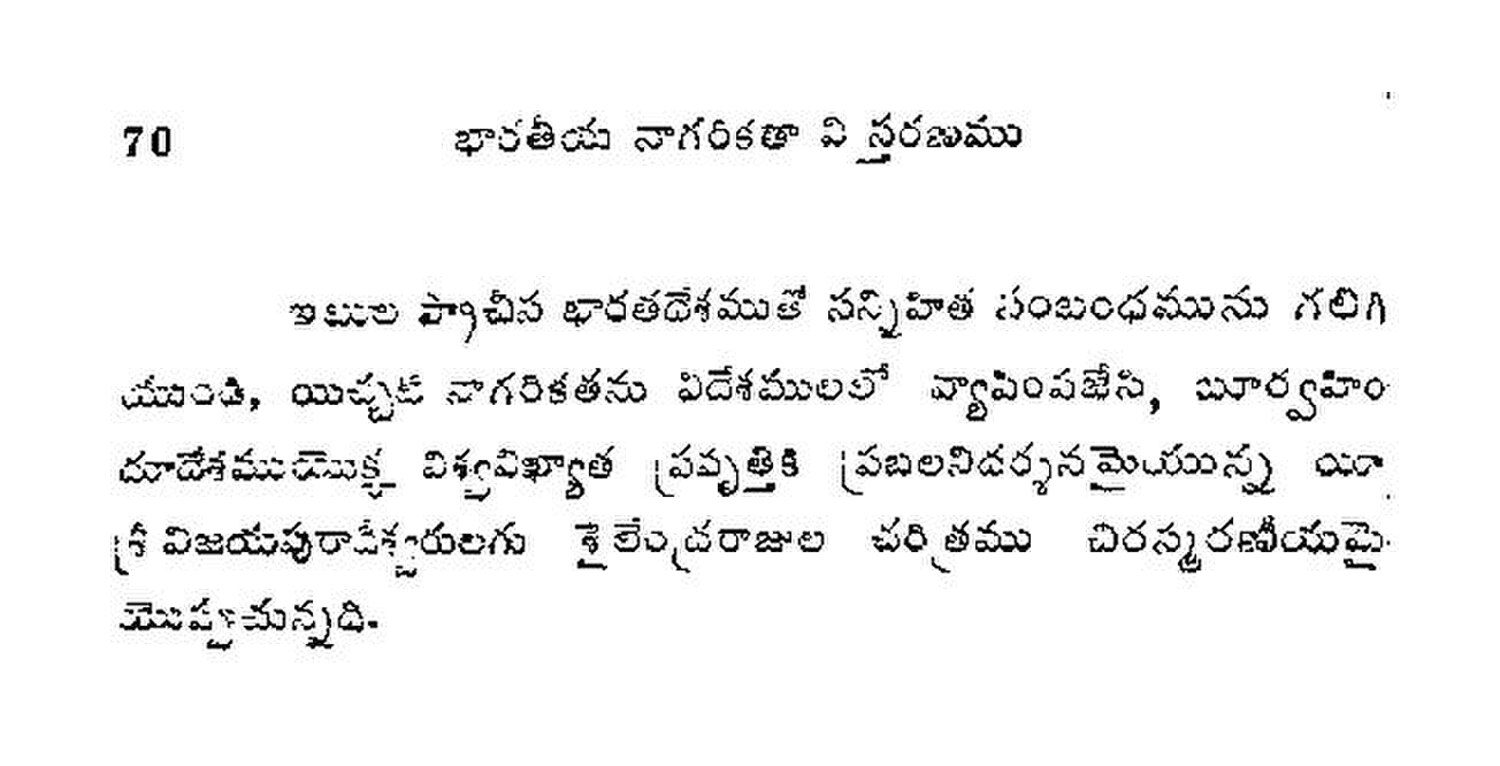ఇటుల ప్రాచీన భారతదేశముతో సన్నిహిత సంబంధమును గలిగియుండి, యిచ్చటి నాగరికతను విదేశములలో వ్యాపింపజేసి, బూర్వహిందూదేశముయొక్క విశ్వవిఖ్యాత ప్రవృత్తికి ప్రబలనిదర్శనమైయున్న యీ శ్రీ విజయపురాదీశ్వరులగు శైలేంద్రరాజుల చరిత్రము చిరస్మరణీయమై యొప్పుచున్నది.